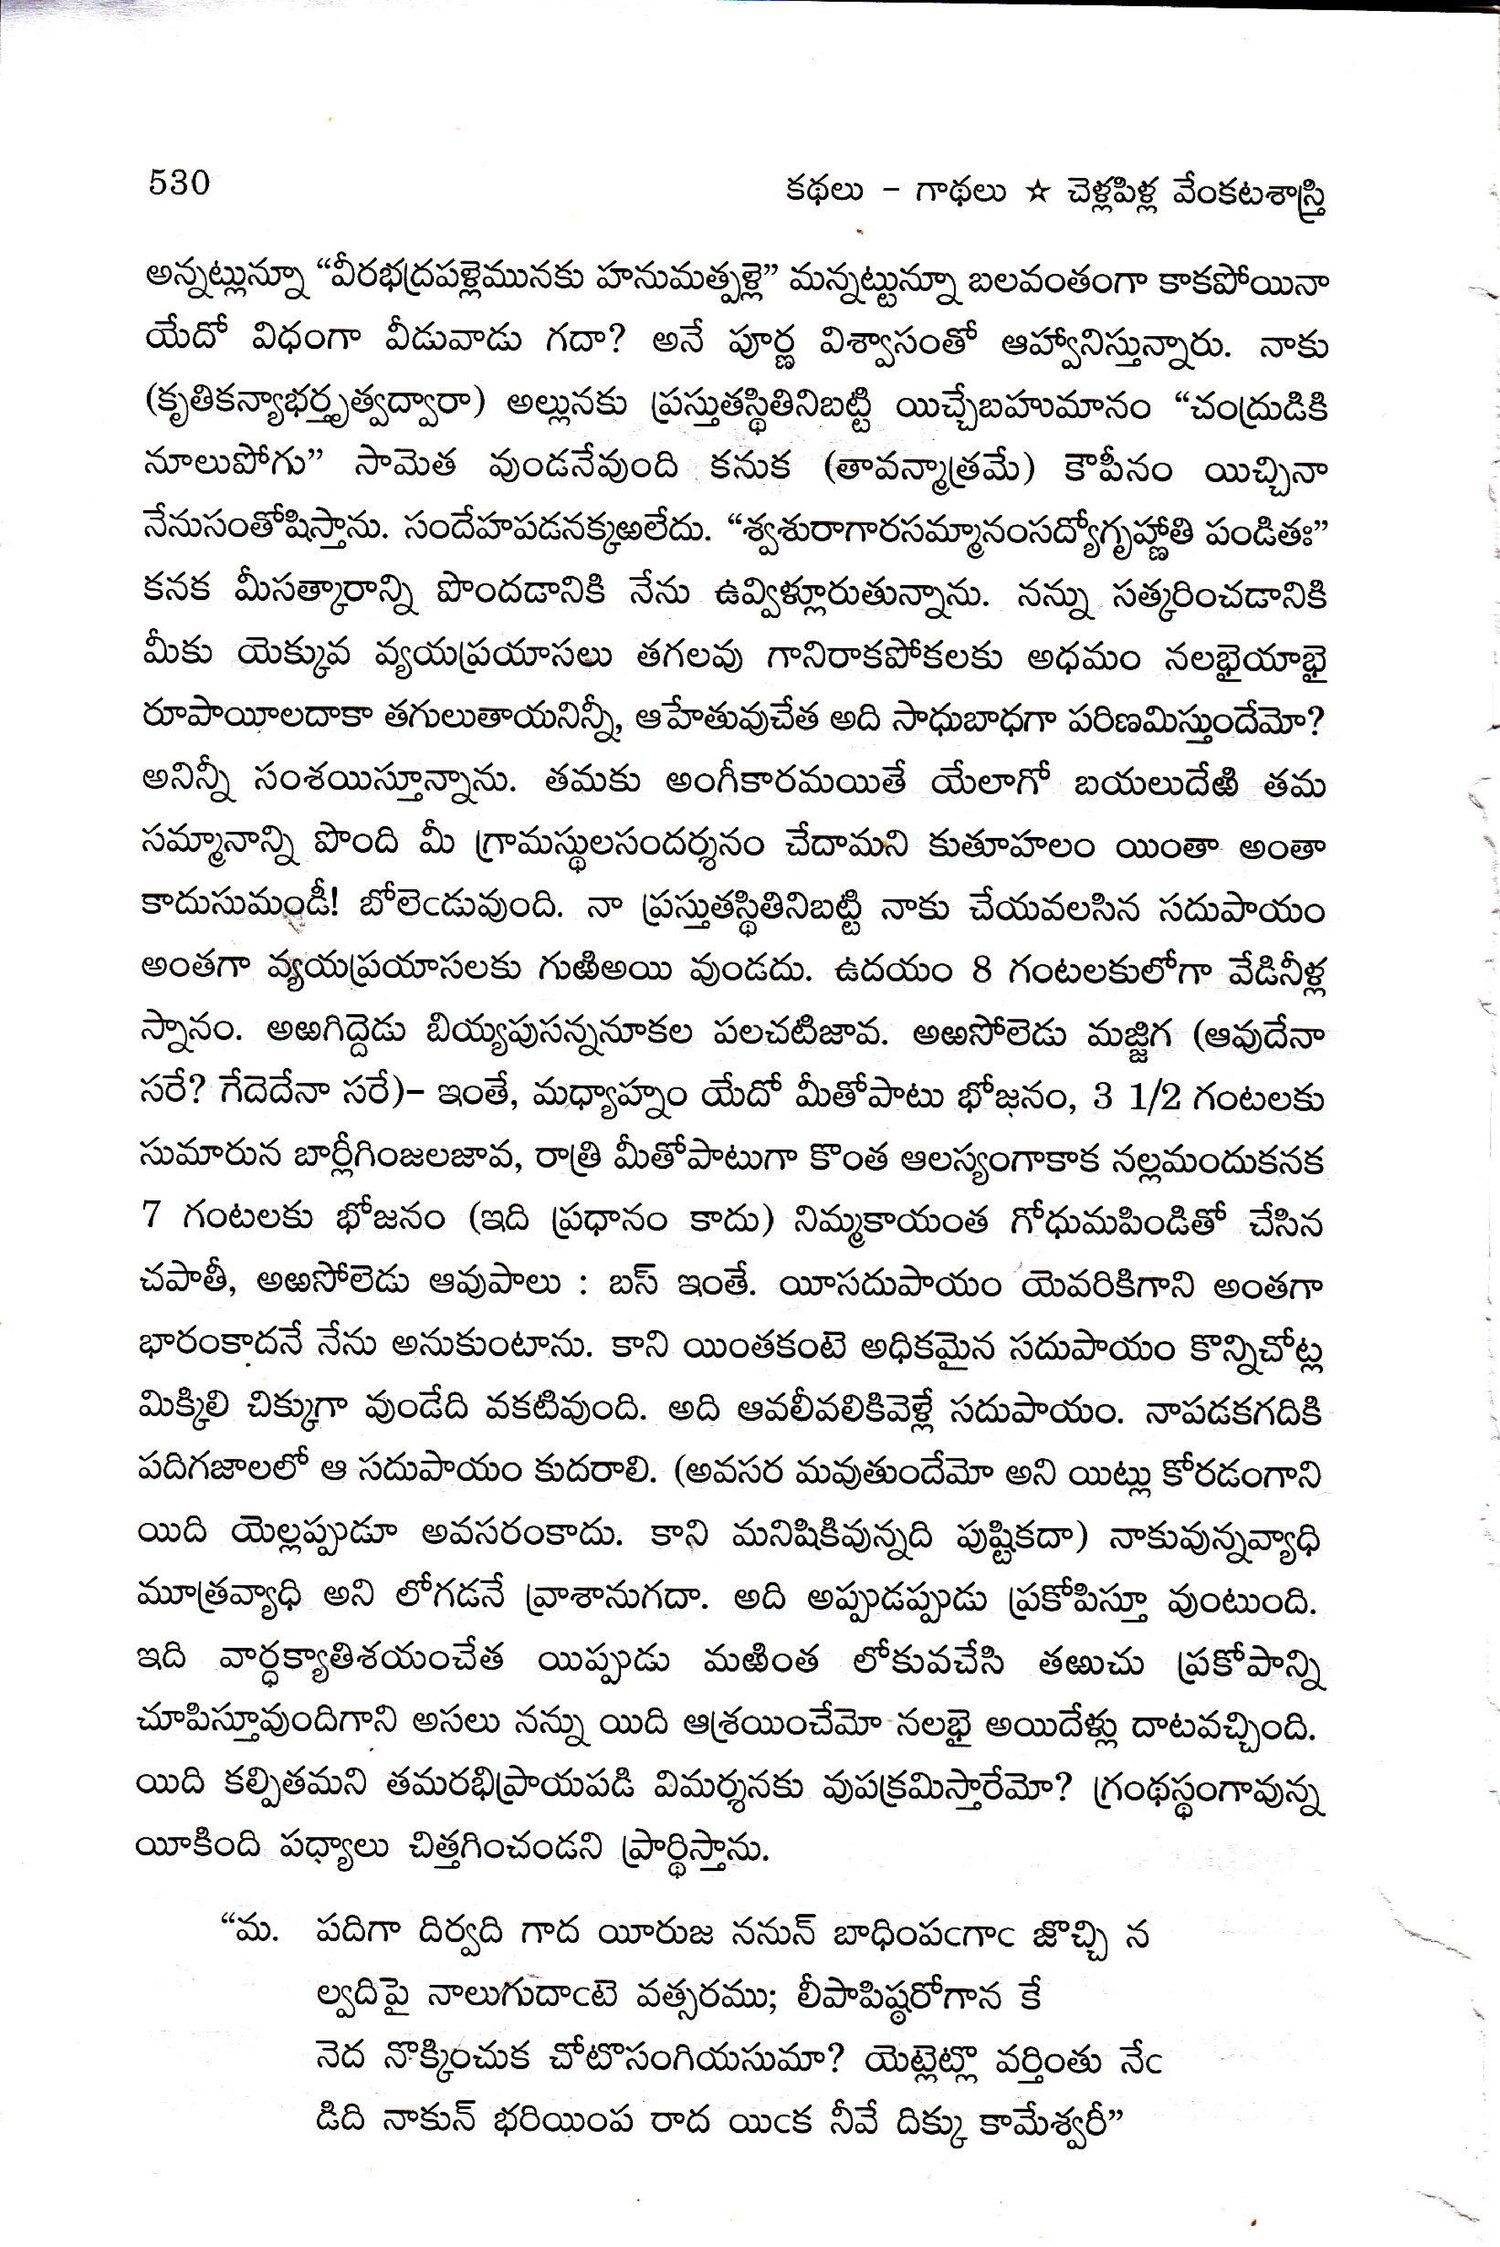అన్నట్లున్నూ“వీరభద్రపళ్లెమునకు హనుమత్పళ్లె" మన్నట్టున్నూ బలవంతంగా కాకపోయినా యేదో విధంగా వీడువాడు గదా? అనే పూర్ణ విశ్వాసంతో ఆహ్వానిస్తున్నారు. నాకు (కృతికన్యాభర్తృత్వద్వారా) అల్లునకు ప్రస్తుతస్థితినిబట్టి యిచ్చేబహుమానం “చంద్రుడికి నూలుపోగు" సామెత వుండనేవుంది కనుక (తావన్మాత్రమే) కౌపీనం యిచ్చినా నేనుసంతోషిస్తాను. సందేహపడనక్కఱలేదు. “శ్వశురాగారసమ్మానంసద్యోగృహ్ణాతి పండితః" కనక మీసత్కారాన్ని పొందడానికి నేను ఉవ్విళ్లూరుతున్నాను. నన్ను సత్కరించడానికి మీకు యెక్కువ వ్యయప్రయాసలు తగలవు గానిరాకపోకలకు అధమం నలభైయాభై రూపాయిలదాకా తగులుతాయనిన్నీ ఆహేతువుచేత అది సాధుబాధగా పరిణమిస్తుందేమో? అనిన్నీ సంశయిస్తూన్నాను. తమకు అంగీకారమయితే యేలాగో బయలుదేఱి తమ సమ్మానాన్ని పొంది మీ గ్రామస్థులసందర్శనం చేదామని కుతూహలం యింతా అంతా కాదుసుమండీ! బోలెఁడువుంది. నా ప్రస్తుతస్థితినిబట్టి నాకు చేయవలసిన సదుపాయం అంతగా వ్యయప్రయాసలకు గుఱిఅయి వుండదు. ఉదయం 8 గంటలకులోగా వేడినీళ్ల స్నానం. అఱగిద్దెడు బియ్యపుసన్ననూకల పలచటి జావ. అఱసోలెడు మజ్జిగ (ఆవుదేనా సరే? గేదెదేనా సరే)- ఇంతే, మధ్యాహ్నం యేదో మీతోపాటు భోజనం, 3 1/2 గంటలకు సుమారున బార్లీగింజలజావ, రాత్రి మీతోపాటుగా కొంత ఆలస్యంగాకాక నల్లమందుకనక 7 గంటలకు భోజనం (ఇది ప్రధానం కాదు) నిమ్మకాయంత గోధుమపిండితో చేసిన చపాతీ, అఱసోలెడు ఆవుపాలు : బస్ ఇంతే. యీసదుపాయం యెవరికిగాని అంతగా భారంకాదనే నేను అనుకుంటాను. కాని యింతకంటె అధికమైన సదుపాయం కొన్నిచోట్ల మిక్కిలి చిక్కుగా వుండేది వకటివుంది. అది ఆవలీవలికివెళ్లే సదుపాయం. నాపడకగదికి పదిగజాలలో ఆ సదుపాయం కుదరాలి. (అవసర మవుతుందేమో అని యిట్లు కోరడంగాని యిది యెల్లప్పుడూ అవసరంకాదు. కాని మనిషికివున్నది పుష్టికదా) నాకువున్నవ్యాధి మూత్రవ్యాధి అని లోగడనే వ్రాశానుగదా. అది అప్పడప్పుడు ప్రకోపిస్తూ వుంటుంది. ఇది వార్ధక్యాతిశయంచేత యిప్పుడు మఱింత లోకువచేసి తఱుచు ప్రకోపాన్ని చూపిస్తూవుందిగాని అసలు నన్ను యిది ఆశ్రయించేమో నలభై అయిదేళ్లు దాటవచ్చింది. యిది కల్పితమని తమరభిప్రాయపడి విమర్శనకు వుపక్రమిస్తారేమో? గ్రంథస్థంగావున్న యీకింది పధ్యాలు చిత్తగించండని ప్రార్ధిస్తాను.

“మ. పదిగా దిర్వది గాద యీరుజ ననున్ బాధింపఁగాఁ జొచ్చి న 
 ల్వదిపై నాలుగుదాఁటె వత్సరము; లీపాపిష్టరోగాన కే 
 నెద నొక్కించుక చోటొసంగియసుమా? యెట్లెట్లొ వర్తింతు నేఁ 
 డిది నాకున్ భరియింప రాద యిఁక నీవే దిక్కు కామేశ్వరీ”